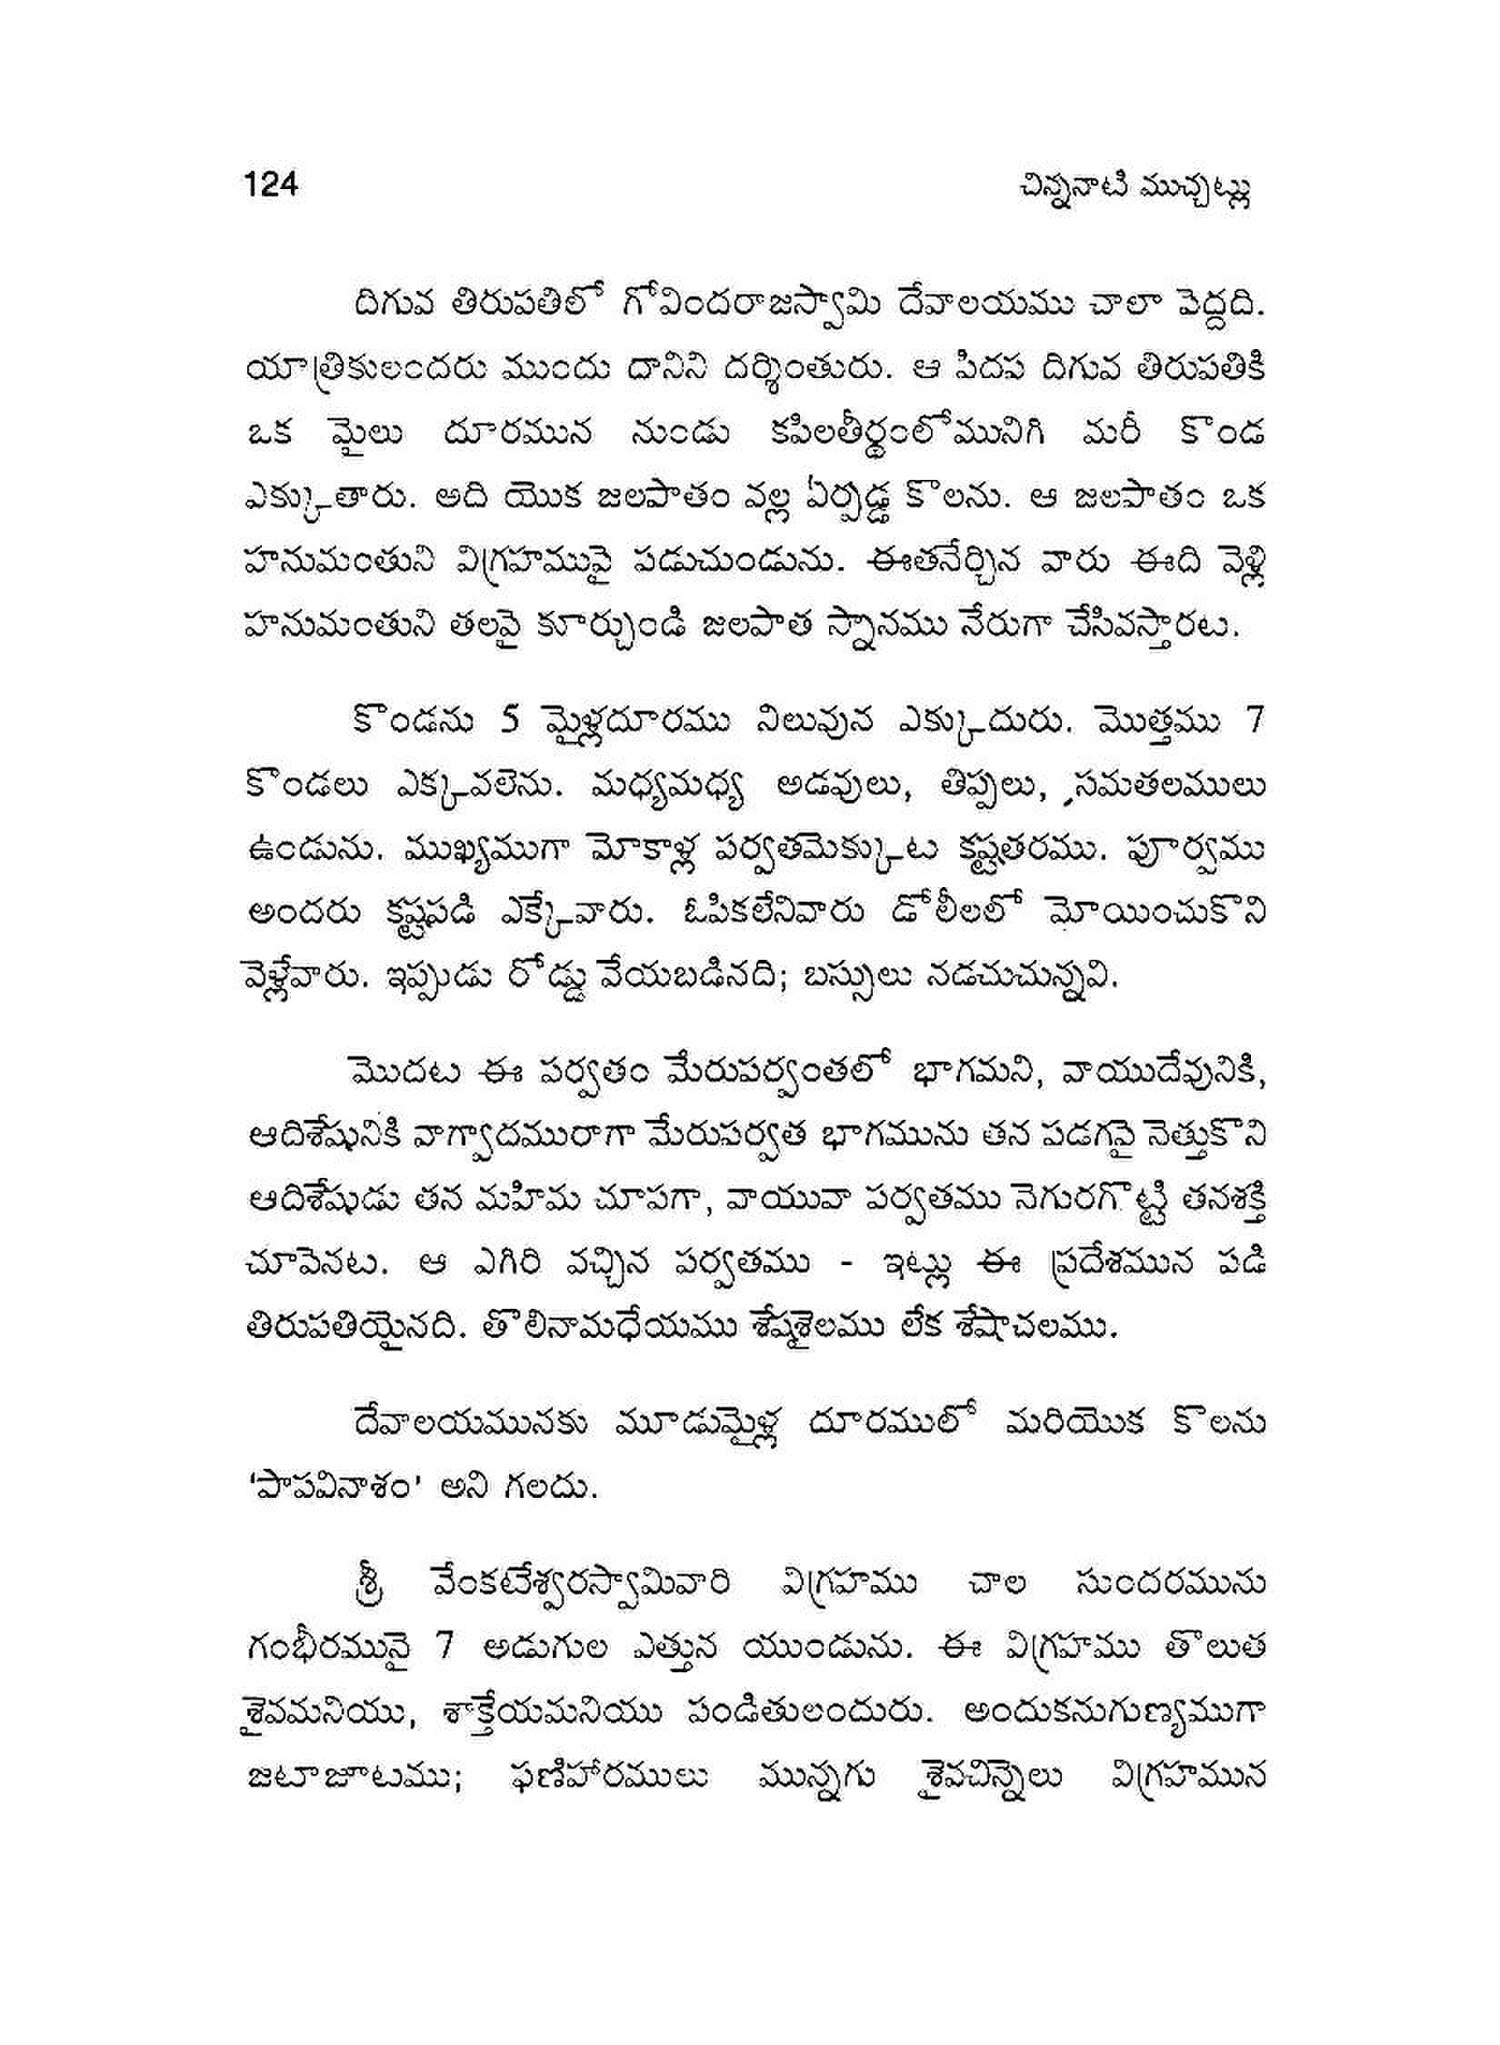దిగువ తిరుపతిలో గోవిందరాజస్వామి దేవాలయము చాలా పెద్దది. యాత్రికులందరు ముందు దానిని దర్శింతురు. ఆ పిదప దిగువ తిరుపతికి ఒక మైలు దూరమున నుండు కపిలతీర్థంలో మునిగి మరీ కొండ ఎక్కుతారు. అది యొక జలపాతం వల్ల ఏర్పడ్డ కొలను. ఆ జలపాతం ఒక హనుమంతుని విగ్రహముపై పడుచుండును. ఈతనేర్చిన వారు ఈది వెళ్లి హనుమంతుని తలపై కూర్చుండి జలపాత స్నానము నేరుగా చేసివస్తారట.

కొండను 5 మైళ్లదూరము నిలువున ఎక్కుదురు. మొత్తము 7 కొండలు ఎక్కవలెను. మధ్యమధ్య అడవులు, తిప్పలు, సమతలములు ఉండును. ముఖ్యముగా మోకాళ్ల పర్వతమెక్కుట కష్టతరము. పూర్వము అందరు కష్టపడి ఎక్కేవారు. ఓపికలేనివారు డోలీలలో మోయించుకొని వెళ్లేవారు. ఇప్పడు రోడ్డు వేయబడినది; బస్సులు నడచుచున్నవి.

మొదట ఈ పర్వతం మేరుపర్వతంలో భాగమని, వాయుదేవునికి, ఆదిశేషునికి వాగ్వాదమురాగా మేరుపర్వత భాగమును తన పడగపై నెత్తుకొని ఆదిశేషుడు తన మహిమ చూపగా, వాయువా పర్వతము నెగురగొట్టి తనశక్తి చూపెనట. ఆ ఎగిరి వచ్చిన పర్వతము - ఇట్లు ఈ ప్రదేశమున పడి తిరుపతియైనది. తొలినామధేయము శేషశైలము లేక శేషాచలము.

దేవాలయమునకు మూడుమైళ్ల దూరములో మరియొక కొలను 'పాపవినాశం" అని గలదు.

శ్రీ వేంకటేశ్వరస్వామివారి విగ్రహము చాల సుందరమును గంభీరమునై 7 అడుగుల ఎత్తున యుండును. ఈ విగ్రహము తొలుత శైవమనియు, శాక్తేయమనియు పండితులందురు. అందుకనుగుణ్యముగా జటాజూటము; ఫణిహారములు మున్నగు శైవచిన్నెలు విగ్రహమున